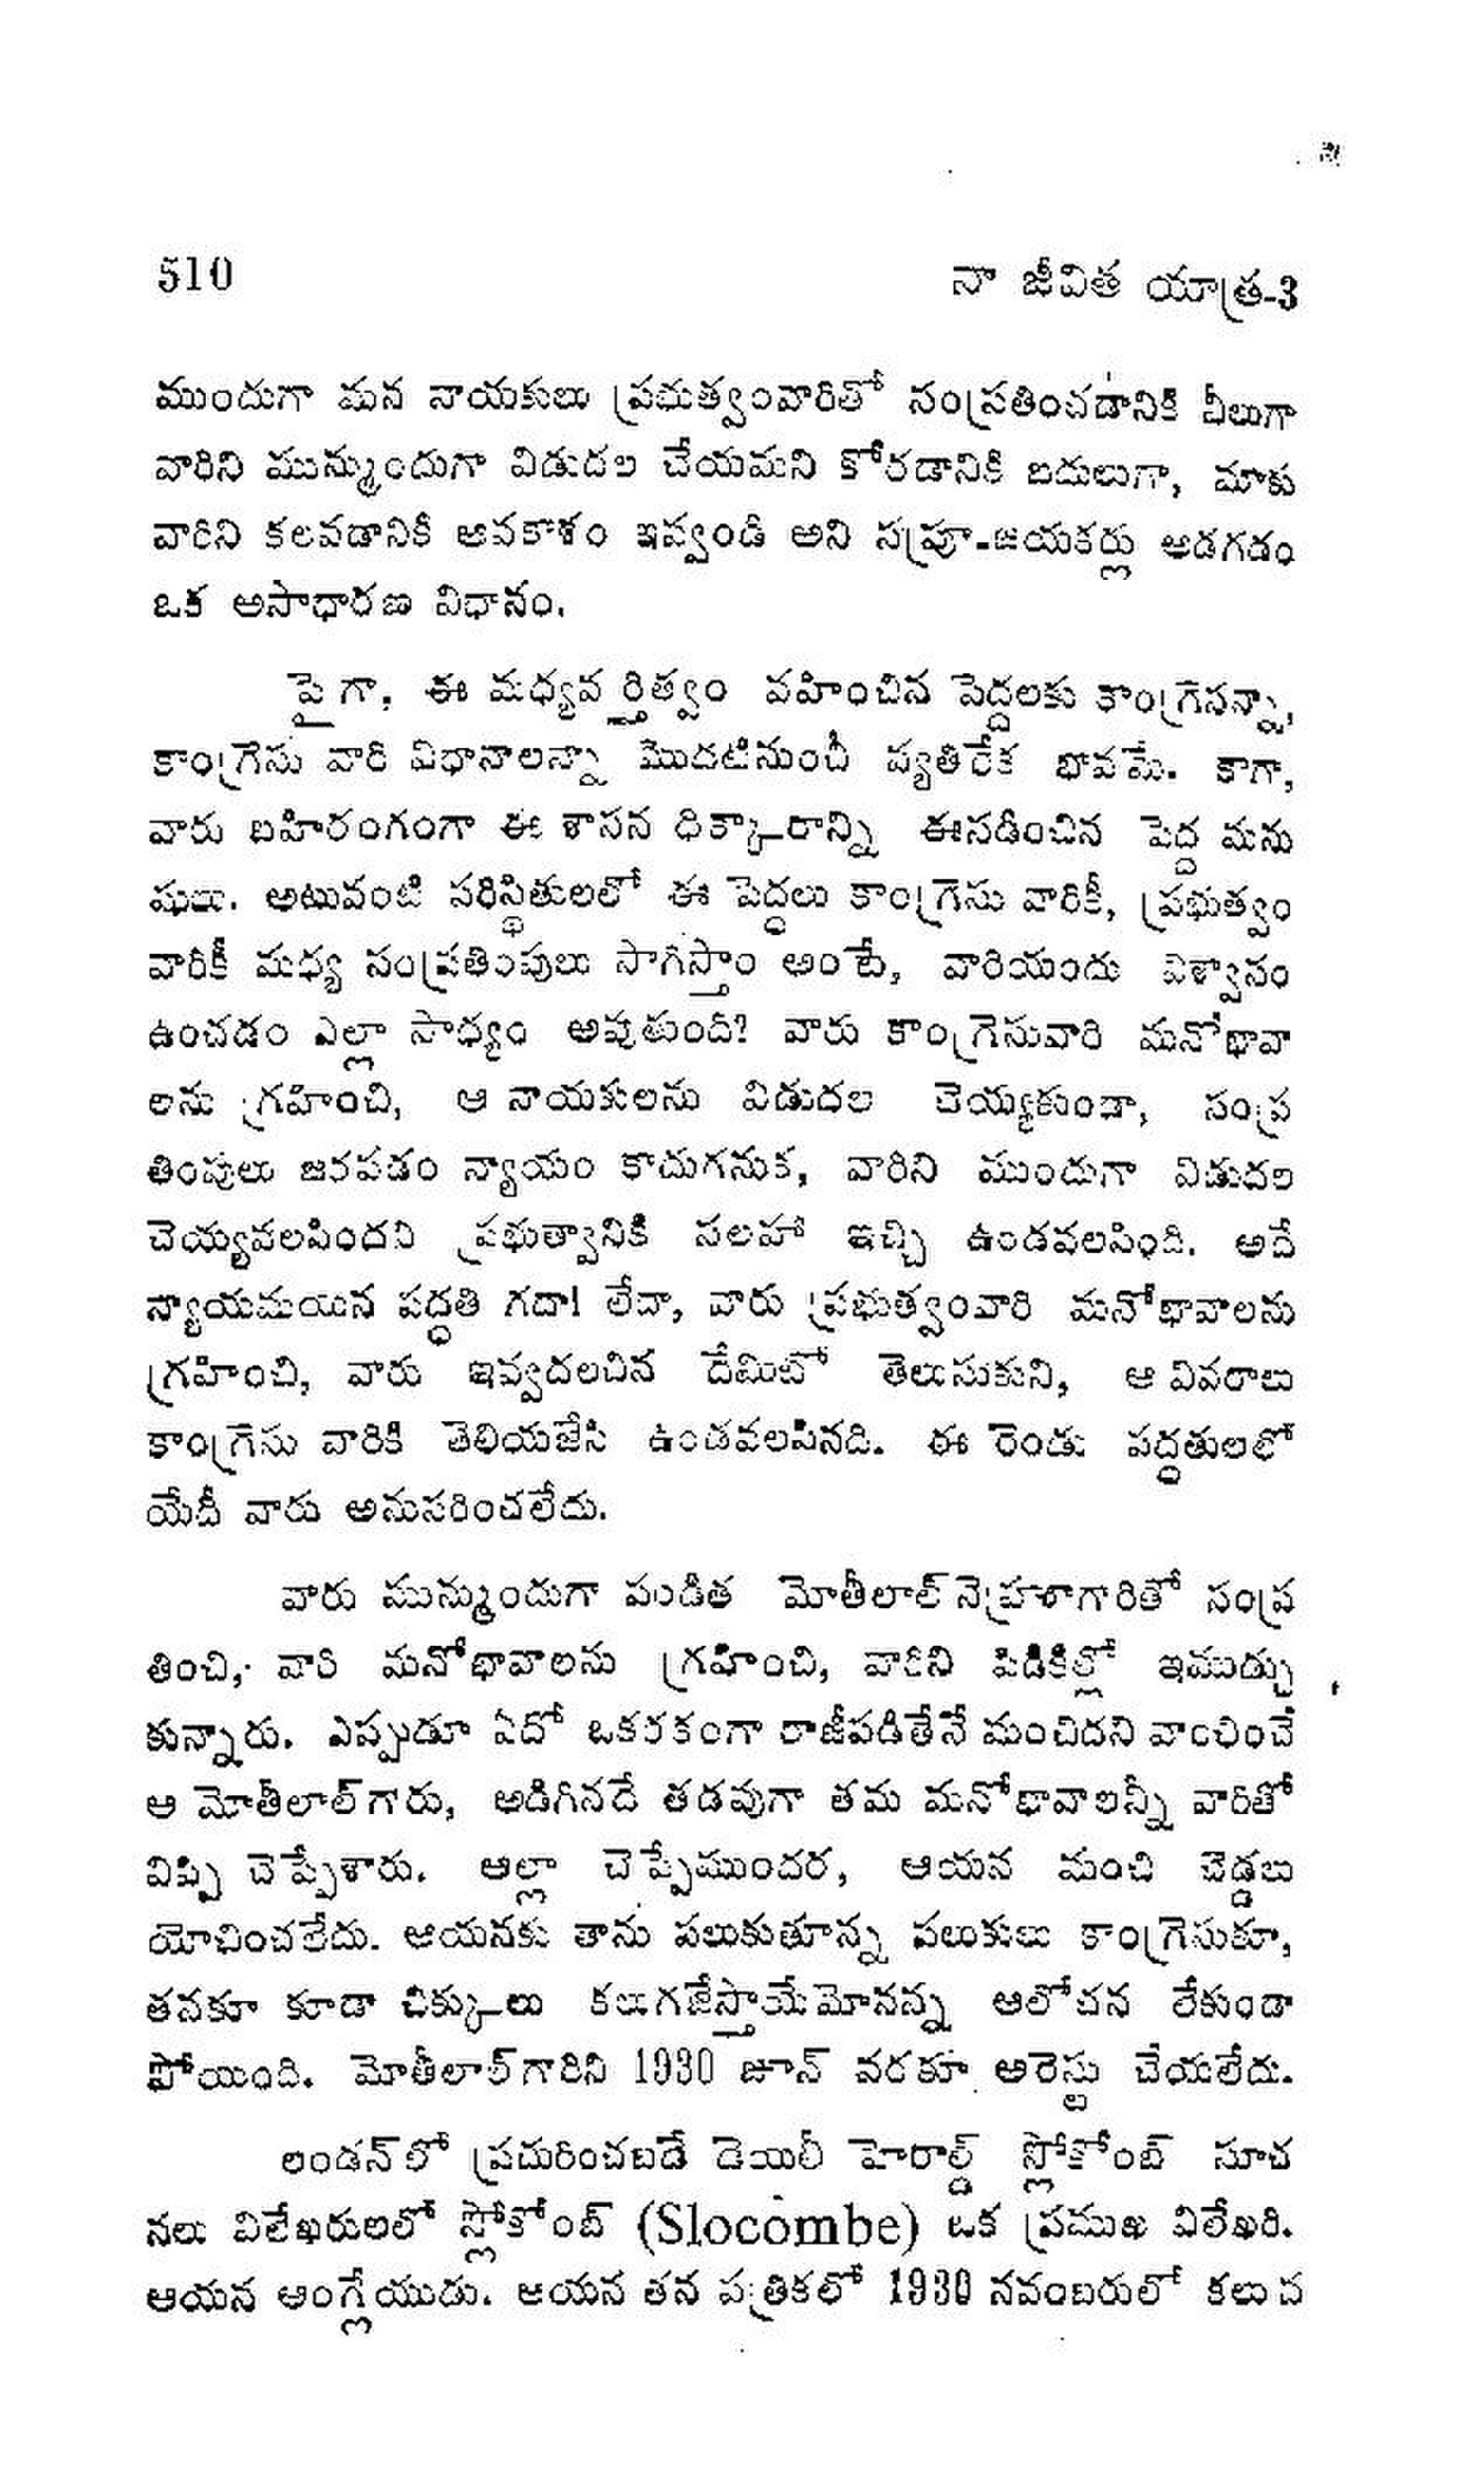ముందుగా మన నాయకులు ప్రభుత్వంవారితో సంప్రతించడానికి వీలుగా వారిని మున్ముందుగా విడుదల చేయమని కోరడానికి బదులుగా, మాకు వారిని కలవడానికి అవకాశం ఇవ్వండి అని సప్రూ - జయకర్లు అడగడం ఒక అసాధారణ విధానం.

పైగా, ఈ మధ్యవర్తిత్వం వహించిన పెద్దలకు కాంగ్రెసన్నా, కాంగ్రెసు వారి విధానాలన్నా మొదటినుంచీ వ్యతిరేక భావమే. కాగా, వారు బహిరంగంగా ఈ శాసన ధిక్కారాన్ని ఈసడించిన పెద్ద మనుషులు. అటువంటి పరిస్థితులలో ఈ పెద్దలు కాంగ్రెసు వారికీ, ప్రభుత్వం వారికీ మధ్య సంప్రతింపులు సాగిస్తాం అంటే, వారియందు విశ్వాసం ఉంచడం ఎల్లా సాధ్యం అవుతుంది? వారు కాంగ్రెసువారి మనోభావాలను గ్రహించి, ఆ నాయకులను విడుదల చెయ్యకుండా, సంప్రతింపులు జరపడం న్యాయం కాదుగనుక, వారిని ముందుగా విడుదల చెయ్యవలసిందని ప్రభుత్వానికి సలహా ఇచ్చి ఉండవలసింది. అదే న్యాయ మయిన పద్ధతి గదా! లేదా, వారు ప్రభుత్వంవారి మనోభావాలను గ్రహించి, వారు ఇవ్వ దలచిన దేమిటో తెలుసుకుని, ఆ వివరాలు కాంగ్రెసు వారికి తెలియజేసి ఉండవలసినది. ఈ రెండు పద్ధతులలో యేదీ వారు అనుసరించలేదు.

వారు మున్ముందుగా పండిత మోతీలాల్‌నెహ్రూగారితో సంప్రతించి, వారి మనోభావాలను గ్రహించి, వారిని పిడికిల్లో ఇముడ్చుకున్నారు. ఎప్పుడూ ఏదో ఒకరకంగా రాజీపడితేనే మంచిదని వాంఛించే ఆ మోతీలాల్‌గారు, అడిగినదే తడవుగా తమ మనోభావాలన్నీ వారితో విప్పి చెప్పేశారు. అల్లా చెప్పేముందర, ఆయన మంచి చెడ్డలు యోచించలేదు. ఆయనకు తాను పలుకుతూన్న పలుకులు కాంగ్రెసుకూ, తనకూ కూడా చిక్కులు కలుగజేస్తాయేమోనన్న ఆలోచన లేకుండా పోయింది. మోతీలాల్‌గారిని 1930 జూన్ వరకూ అరెస్టు చేయలేదు.

లండన్‌లో ప్రచురించబడే డెయిలీ హెరాల్డ్ స్లోకోంబ్ సూచనలు విలేఖరులలో స్లోకోంబ్ (Slocombe) ఒక ప్రముఖ విలేఖరి. ఆయన ఆంగ్లేయుడు. ఆయన తన పత్రికలో 1930 నవంబరులో కలువ